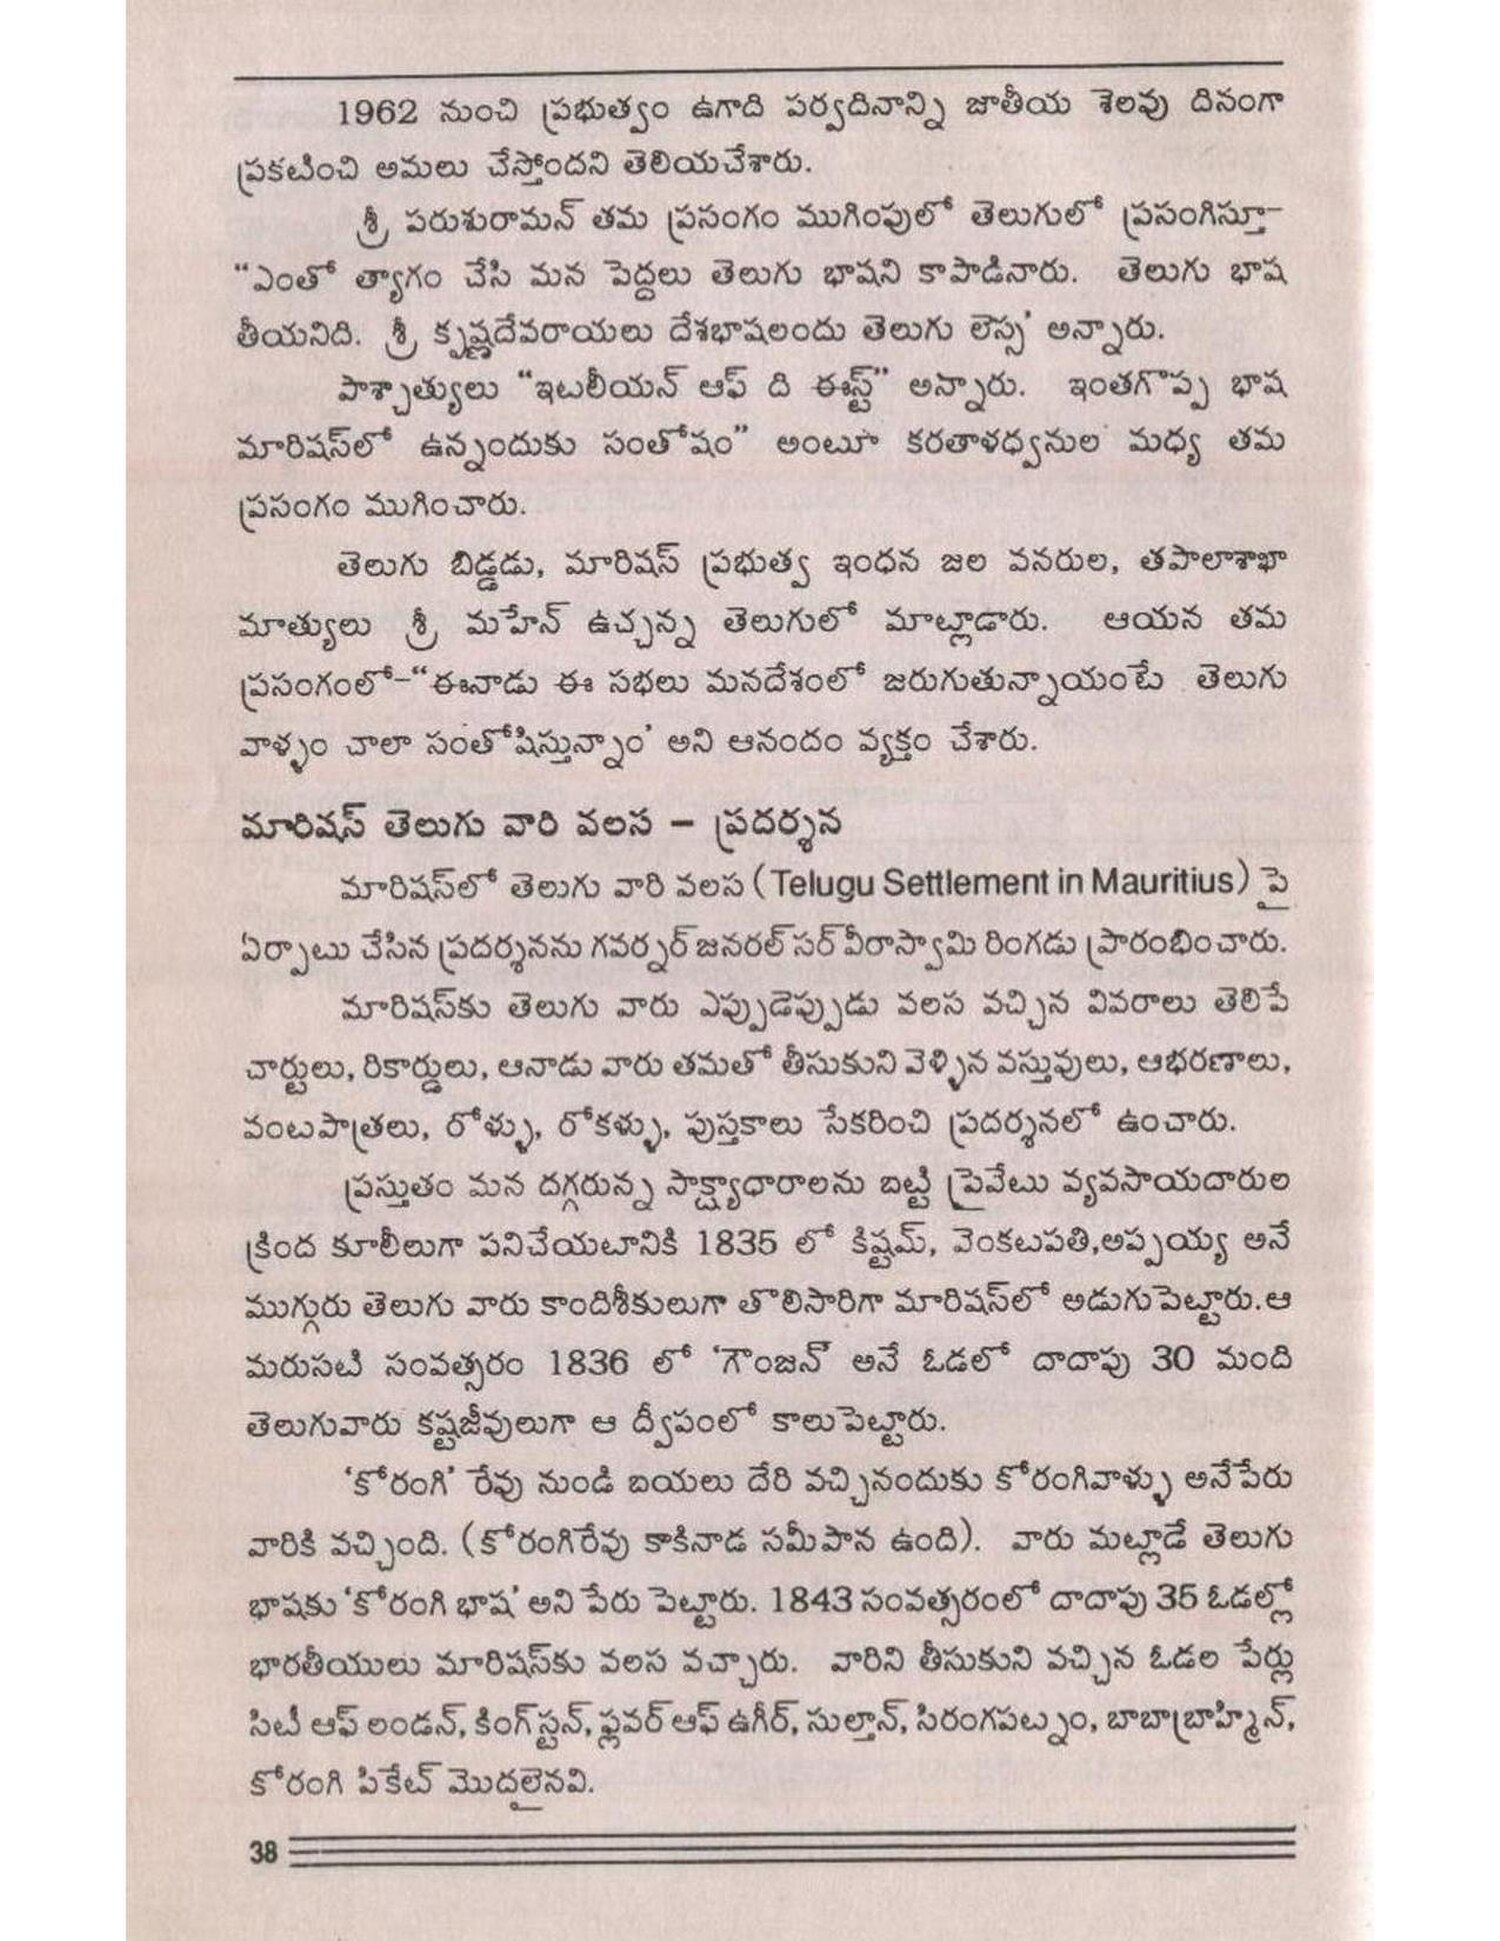1962 నుంచి ప్రభుత్వం ఉగాది పర్వదినాన్ని జాతీయ శెలవు దినంగా ప్రకటించి అమలు చేస్తోందని తెలియచేశారు.

శ్రీ పరుశురామన్ తమ ప్రసంగం ముగింపులో తెలుగులో ప్రసంగిస్తూ- "ఎంతో త్యాగం చేసి మన పెద్దలు తెలుగు భాషని కాపాడినారు, తెలుగు భాష తీయనిది. శ్రీ కృష్ణదేవరాయలు దేశభాషలందు తెలుగు లెస్స' అన్నారు.

పాశ్చాత్యులు "ఇటలీయన్ ఆఫ్ ది ఈస్ట్" అన్నారు. ఇంతగొప్ప భాష మారిషస్లో ఉన్నందుకు సంతోషిస్తున్నాం" అంటూ కరతాళధ్వనుల మధ్య తమ ప్రసంగం ముగించారు.

తెలుగు బిడ్డడు, మారిషస్ ప్రభుత్వ ఇంధన జల వనరుల, తపాలాశాభా మాత్యులు శ్రీ మహేన్ ఉచ్చన్న తెలుగులో మాట్లాడారు. ఆయన తమ ప్రసంగంలో—"ఈనాడు ఈ సభలు మనదేశంలో జరుగుతున్నాయంటే తెలుగు వాళ్ళం చాలా సంతోషిస్తున్నాం’ అని ఆనందం వ్యక్తం చేశారు.

మారిషస్ తెలుగు వారి వలస - ప్రదర్శన

మారిషన్ లో తెలుగువారి వలస (Telugu Settlement in Mauritius) పై ఏర్పాటు చేసిన ప్రదర్శనను గవర్నర్ జనరల్ సర్ వీరాస్వామి రింగడు ప్రారంభించారు. 

మారిషస్‌కు తెలుగు వారు ఎప్పుడెప్పుడు వలస వచ్చిన వివరాలు తెలిపే చార్టులు, రికార్డులు, ఆనాడు వారు తమతో తీసుకుని వెళ్ళిన వస్తువులు, ఆభరణాలు, వంటపాత్రలు, రోళ్ళు, రోకళ్ళు, పుస్తకాలు సేకరించి ప్రదర్శనలో ఉంచారు.

ప్రస్తుతం మన దగ్గరున్న సాక్ష్యాధారాలను బట్టి ప్రైవేటు వ్యవసాయదారుల క్రింద కూలీలుగా పనిచేయటానికి 1835 లో కిష్టమ్, వెంకటపతి, అప్పయ్య అనే ముగ్గురు తెలుగు వారు కాందిశీకులుగా తొలిసారిగా మారిషస్‌లో అడుగుపెట్టారు.ఆ మరుసటి సంవత్సరం 1836 లో గౌంజన్ అనే ఓడలో దాదాపు 30 మంది తెలుగువారు కష్టజీవులుగా ఆ ద్వీపంలో కాలుపెట్టారు.

'కోరంగి' రేవు నుండి బయలు దేరి వచ్చినందుకు కోరంగివాళ్ళు అనేపేరు వారికి వచ్చింది. (కోరంగిరేవు కాకినాడ సమీపాన ఉంది). వారు మాట్లాడే తెలుగు భాషకు 'కోరంగి భాష' అని పేరు పెట్టారు. 1843 సంవత్సరంలో దాదాపు 35 ఓడల్లో భారతీయులు మారిషస్‌కు వలస వచ్చారు. వారిని తీసుకుని వచ్చిన ఓడల పేర్లు సిటీ ఆఫ్ లండన్, కింగ్ స్టన్, ఫ్లవర్ ఆఫ్ ఉగీర్, సుల్తాన్, సిరంగపట్నం, బాబా బ్రాహ్మిన్, కోరంగి పికేట్ మొదలైనవి.